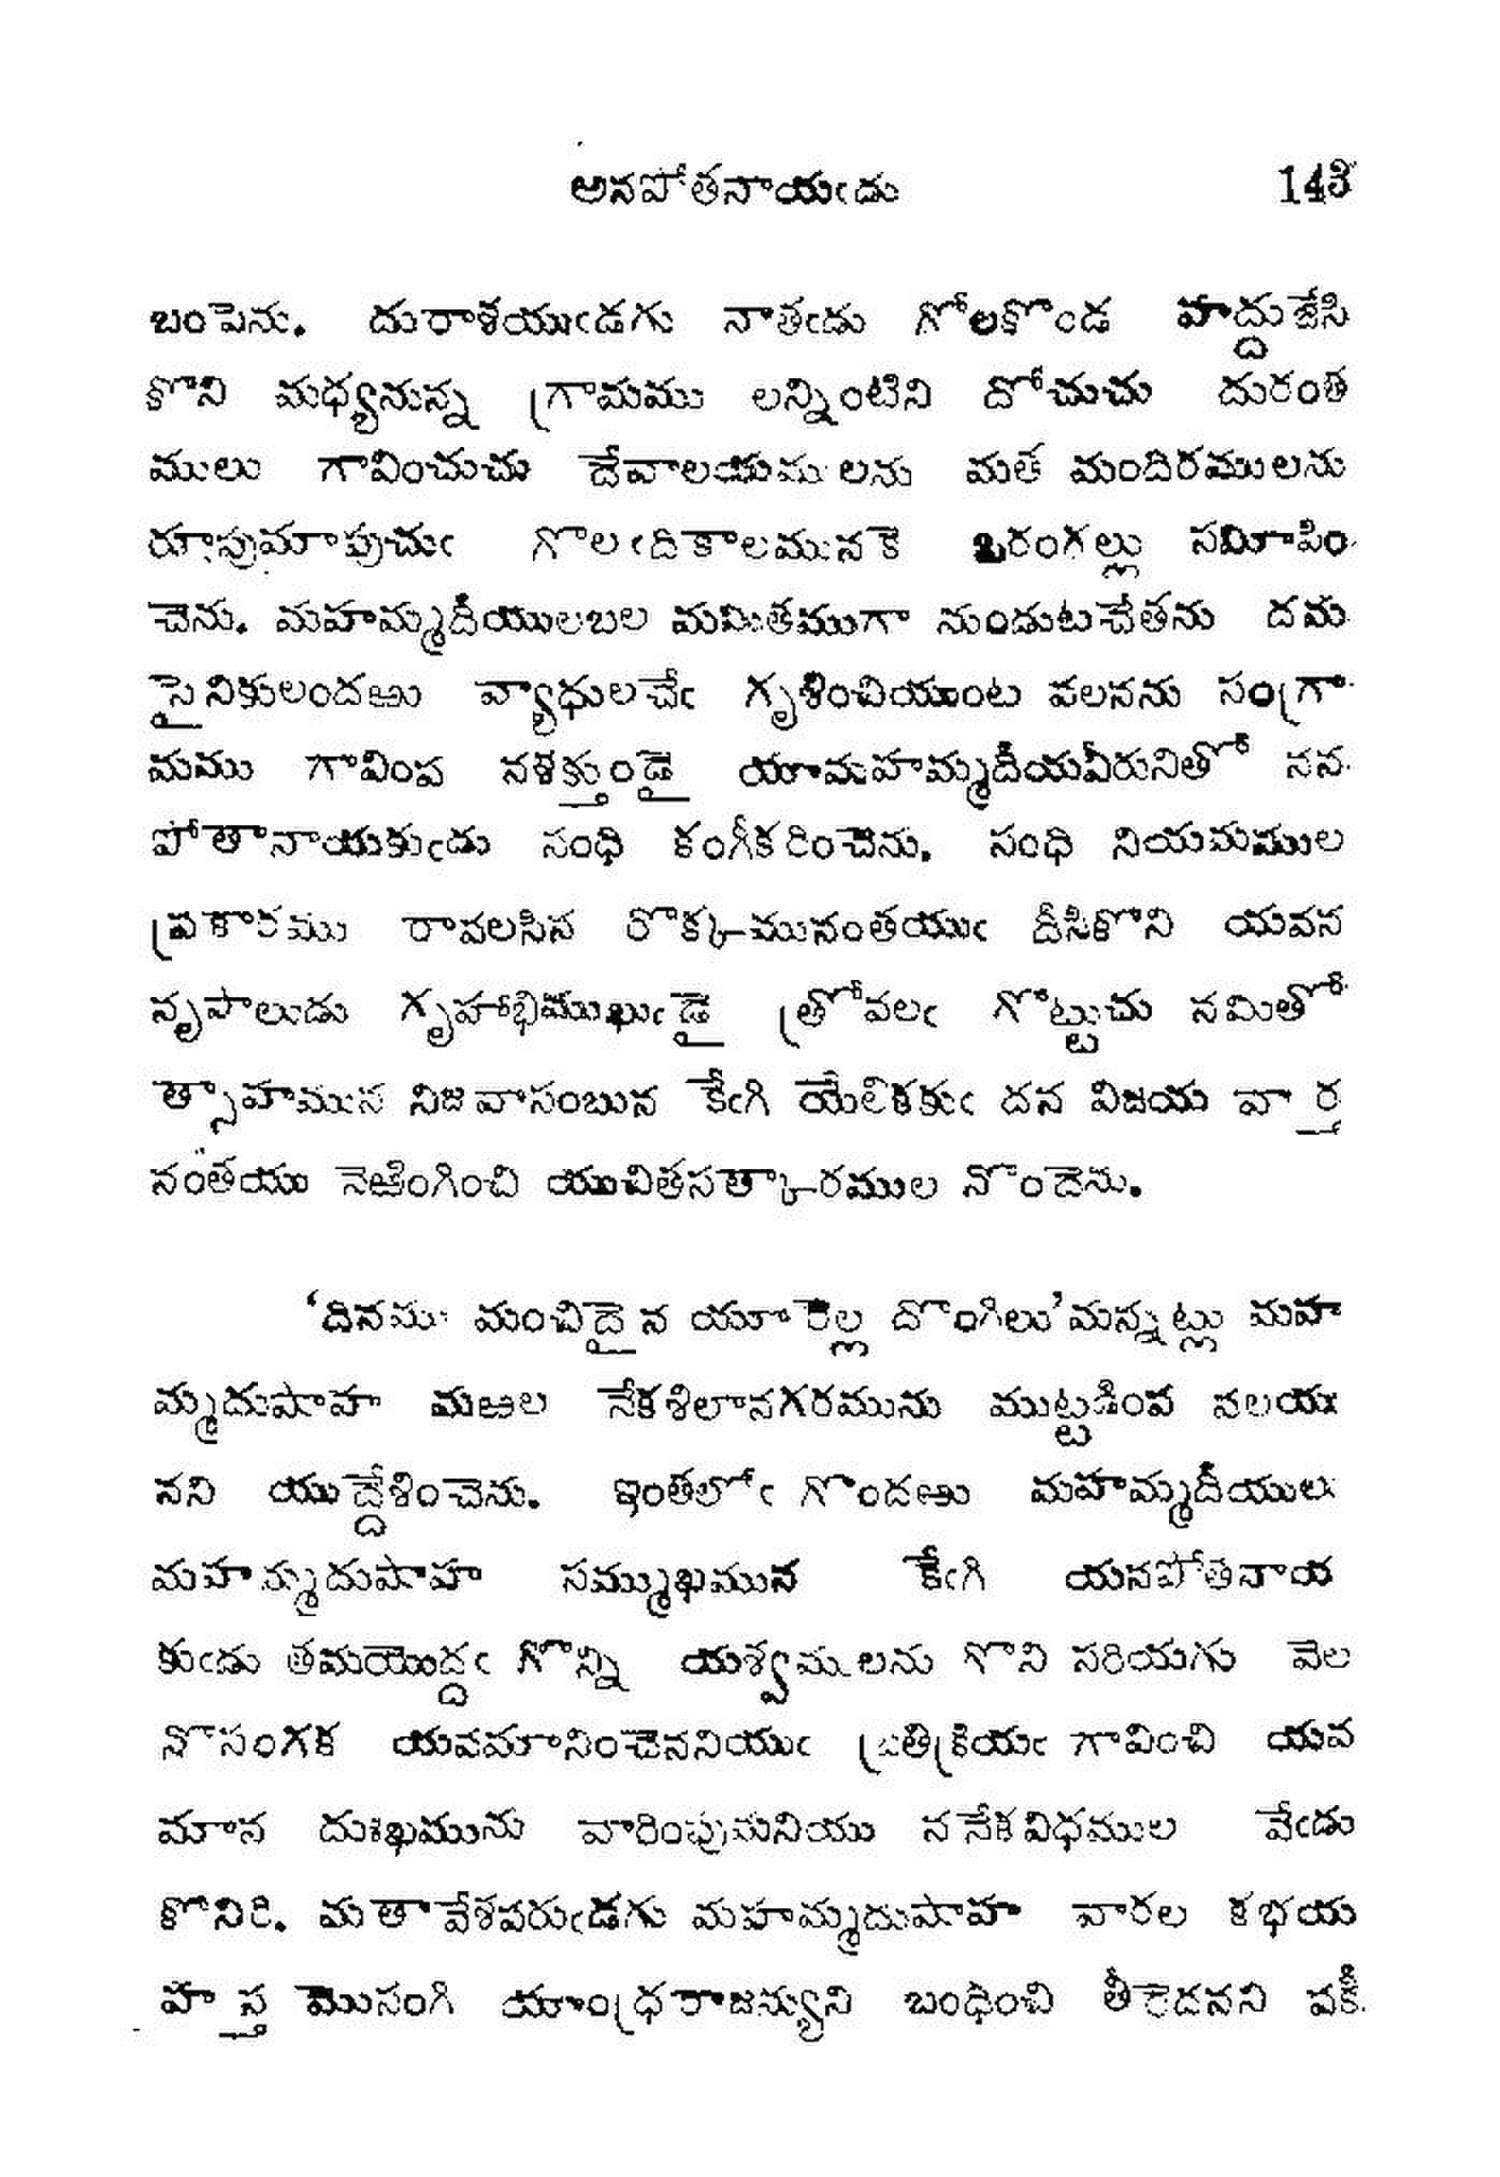బంపెను. దురాశయుడగు నాతడు గోలకొండ హద్దుజేసికొని మధ్యనున్న గ్రామము లన్నింటిని దోచుచు దురంతములు గావించుచు దేవాలయములను మత మందిరములను రూపుమాపుచు గొలదికాలమునకె ఒరంగల్లు సమీపించెను. మహమ్మదీయులబల మమితముగా నుండుటచేతను దమ సైనికులందఱు వ్యాధులచే గృశించియుంట వలనను సంగ్రామము గావింప నశక్తుండై యామహమ్మదీయవీరునితో ననపోతానాయకుడు సంధి కంగీకరించెను. సంధి నియమముల ప్రకారము రావలసిన రొక్కమునంతయు దీసికొని యవన నృపాలుడు గృహాభిముఖుడై త్రోవల గొట్టుచు నమితోత్సాహమున నిజనివాసంబున కేగి యేలికకు దన విజయ వార్త నంతయు నెఱింగించి యుచితసత్కారముల నొందెను.

'దినము మంచిదైన యూరెల్ల దొంగిలు' మన్నట్లు మహమ్మదుషాహ మఱల నేకశిలానగరమును ముట్టడింప వలయునని యుద్దేశించెను. ఇంతలో గొందఱు మహమ్మదీయులు మహమ్మదుషాహ సమ్ముఖమున కేగి యనపోతనాయకుడు తమయొద్ద గొన్ని యశ్వములను గొని సరియగు వెల నొసంగక యవమానించెననియు బ్రతిక్రియ గావించి యవమాన దు:ఖమును వారింపుమనియు ననేకవిధముల వేడుకొనిరి. మతావేశపరుడగు మహమ్మదుషాహ వారల కభయ హస్త మొసంగి యాంధ్రరాజన్యుని బంధించి తీరెదనని పకీ